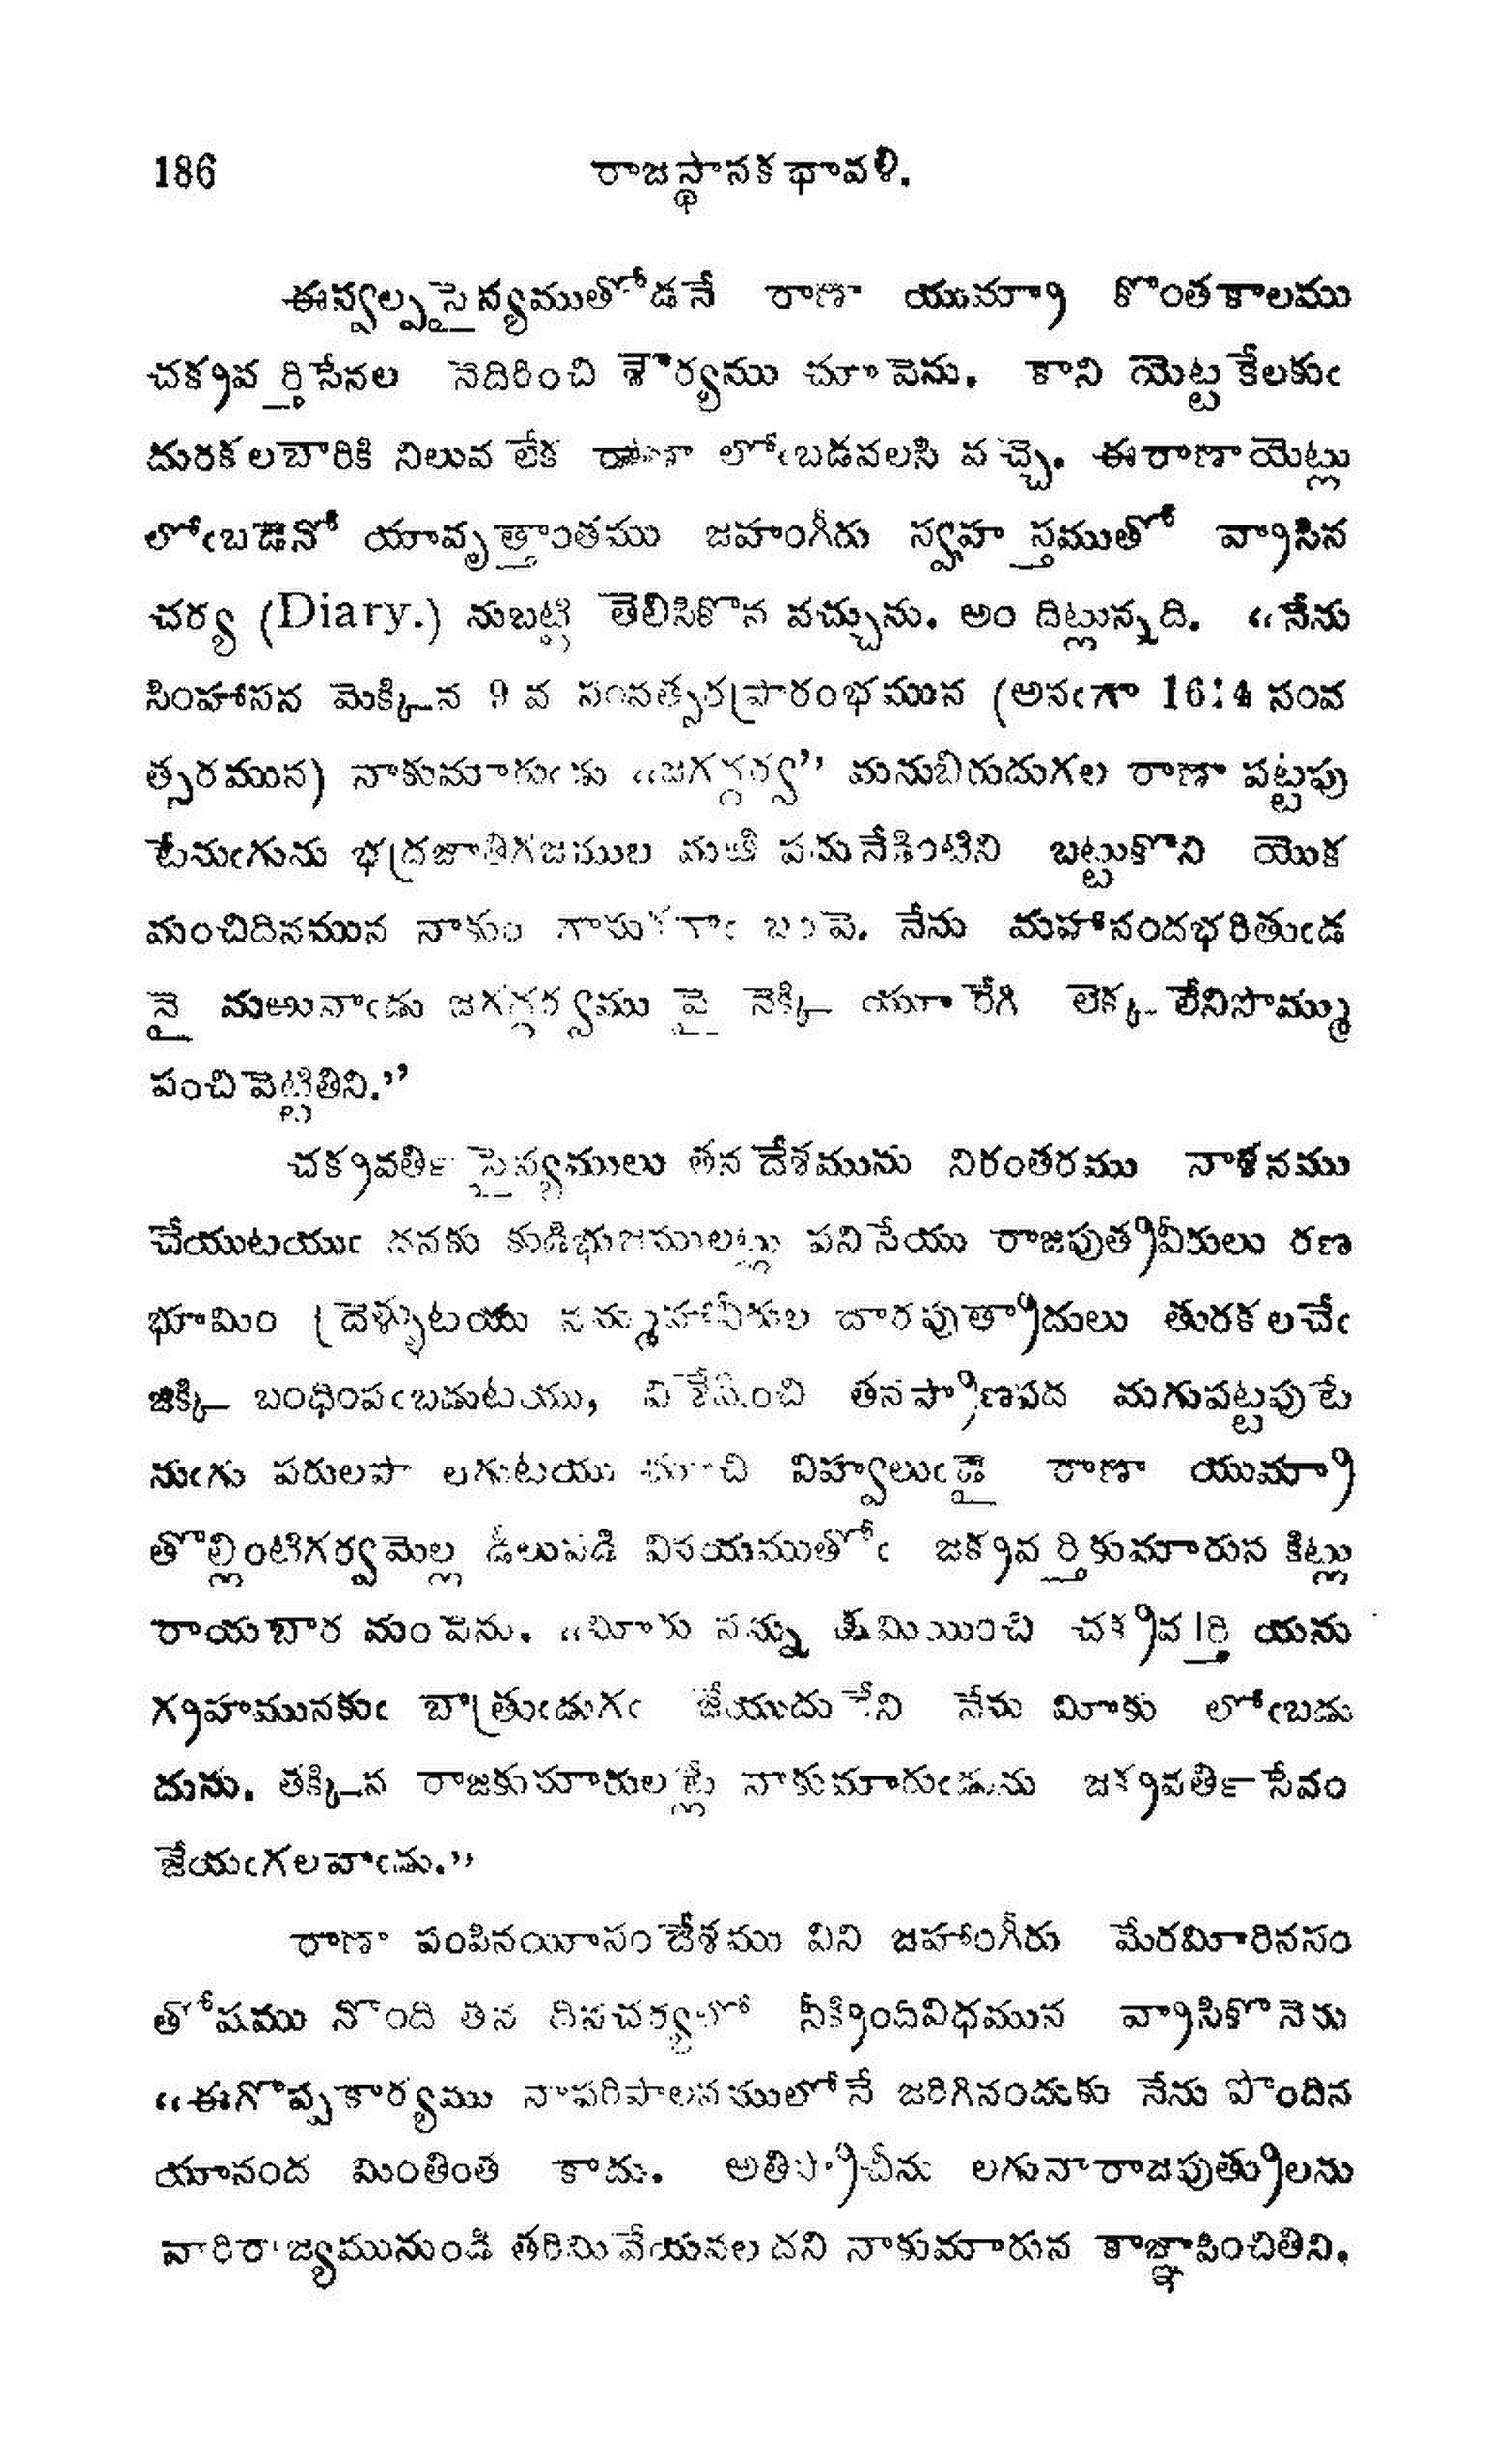ఈస్వల్ప సైన్యముతోడనే రాణ యుమ్రా కొంతకాలము చక్రవర్తి సేనల నెదిరించి శౌర్యము చూపెను. కాని యెట్టకేలకు దురకలబారికి నిలువ లేక రాణా లోఁబడవలసి వచ్చె. ఈ రాణా యెట్లు లోఁబడెనో యావృత్తాంతము జహంగీరు స్వహస్తముతో వ్రాసిన చర్య (Diary.) నుబట్టి తెలిసికొన వచ్చును. అందిట్లున్నది. "నేను సింహాసన మెక్కిన 9వ సంవత్సర ప్రారంభమున (అనఁగా 1614 సంవత్సరమున) నాకుమారుఁడు "జగద్గర్వ" మనుబిరుదుగల రాణా పట్టపు టేనుఁగును భద్రజాతి గజముల మణి పదునేడింటిని బట్టుకొని యొక మంచిదినమున నాకుం గానుకగా బంపె. నేను మహానందభరితుఁడనై మఱునాఁడు జగద్గర్వము పై నెక్కి యూరేగి లెక్కలేనిసొమ్ము పంచి పెట్టితిని."

చక్రవతి౯ సైన్యములు తన దేశమును నిరంతరము నాశనము చేయుటయుఁ దనకు కుడిభుజములట్లు పనిసేయు రాజపుత్ర వీరులు రణభూమిం ద్రెళ్ళుటయు నమ్మహవీరుల దారపుత్రాదులు తురకలచేఁజిక్కి బంధింపఁ బడుటయు, విశేషించి తన ప్రాణపద మగుపట్టపు టేనుఁగు పరులపా లగుటయు చూచి విహ్వలుఁడై రాణా యుమ్రా తొల్లింటి గర్వమెల్ల డీలుపడి వినయముతోఁ జక్రవర్తి కుమారున కిట్లు రాయబార మంపెను. "మీరు సన్ను క్షమియించి చక్రవర్తి యనుగ్రహమునకుఁ బాత్రుఁడుగం జేయుదు నేని నేను మీకు లోఁబడు
దును. తక్కిన రాజకుమారులట్లే నాకుమారుఁడును జక్రవతి౯ సేవం జేయఁగలవాడు."

రాణా పంపినయీసందేశము విని జహాంగీరు మేరమీరిన సంతోషము నొంది తన దినచర్యలో నీక్రింది విధమున వ్రాసికొనెను «ఈ గొప్ప కార్యము నాపరిపాలనములోనే జరిగినందుకు నేను పొందిన యానంద మింతింత
కాదు. అతి ప్రాచీను లగునారాజపుత్రులను వారి రాజ్యమునుండి తరిమి వేయవలదని నాకుమారున కాజ్ఞాపించితిని.